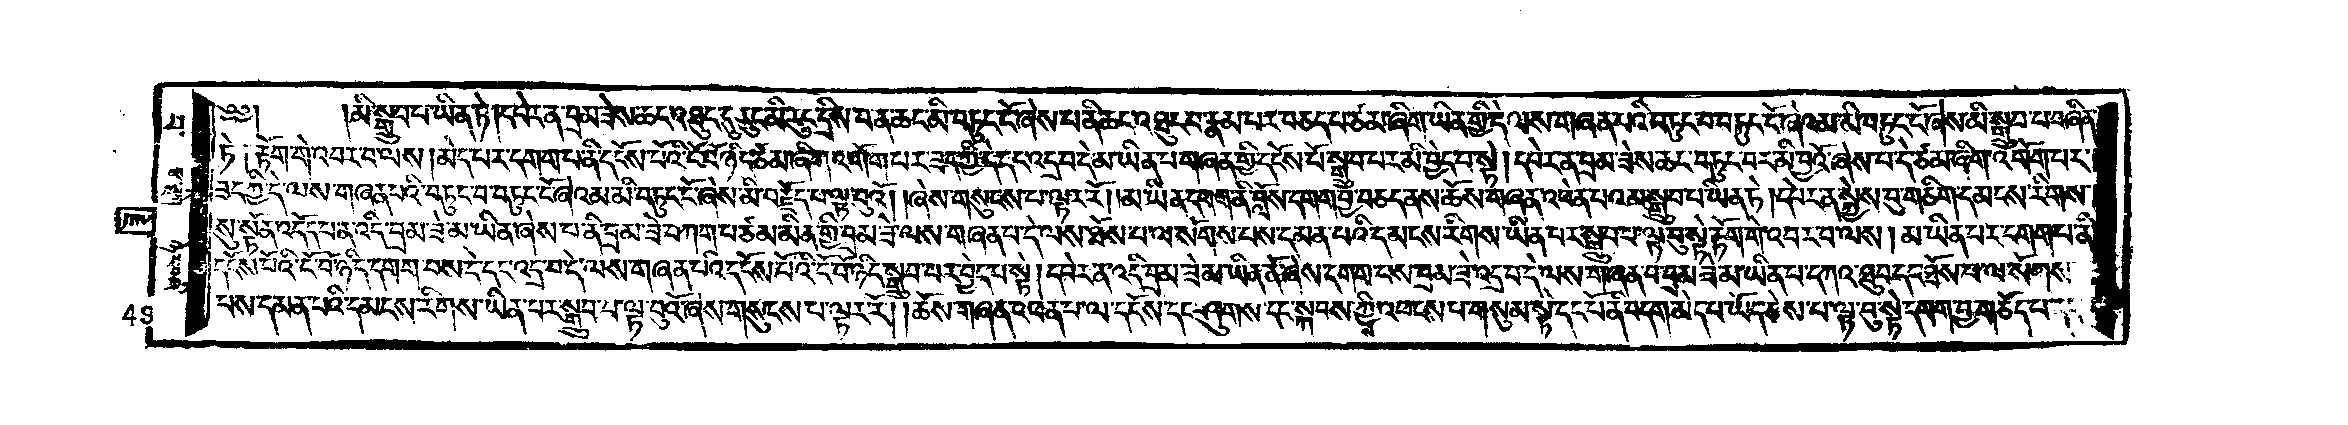༄༅། །མི་སྒྲུབ་པ་ཡིན་ཏེ། དཔེར་ན་བྲམ་ཟེས་ཆང་འཐུང་དུ་རུང་མི་རུང་དྲིས་པ་ན་ཆང་མི་བཏུང་ངོ་ཞེས་པ་ནི་ཆང་འཐུང་བ་རྣམ་པར་བཅད་པ་ཙམ་ཞིག་ཡིན་གྱི་དེ་ལས་གཞན་པའི་བཏུང་བ་བཏུང་ངོ་ཞེའམ་མི་བཏུང་ངོ་ཞེས་མི་སྒྲུབ་པ་བཞིན་
ཏེ༑ རྟོག་གེ་འབར་བ་ལས། མེད་པར་དགག་པ་ནི་དངོས་པོའི་ངོ་བོ་ཉིད་ཙམ་ཞིག་འགོག་པར་ཟད་ཀྱི་དེ་དང་འདྲ་བ་དེ་མ་ཡིན་པ་གཞན་གྱི་དངོས་པོ་སྒྲུབ་པར་མི་བྱེད་པ་སྟེ། དཔེར་ན་བྲམ་ཟེས་ཆང་བཏུང་བར་མི་བྱའོ་ཞེས་པ་དེ་ཙམ་ཞིག་འགོག་པར་
ཟད་ཀྱི་དེ་ལས་གཞན་པའི་བཏུང་བ་བཏུང་ངོ་ཞེའམ་མི་བཏུང་ངོ་ཞེས་མི་བརྗོད་པ་ལྟ་བུའོ། །ཞེས་གསུངས་པ་ལྟར་རོ། །མ་ཡིན་དགག་ནི་བློས་དགག་བྱ་བཅད་ནས་ཆོས་གཞན་འཕེན་པའམ་སྒྲུབ་པ་ཡིན་ཏེ། དཔེར་ན་སྐྱེས་བུ་གཅིག་དམངས་རིགས་
སུ་སྟོན་འདོད་པ་ན་འདི་བྲམ་ཟེ་མ་ཡིན་ཞེས་པ་ནི་བྲམ་ཟེ་བཀག་པ་ཙམ་མིན་གྱི་བྲམ་ཟེ་ལས་གཞན་པ་དེ་ལས་ཐོས་པ་ལ་སོགས་པས་དམན་པའི་དམངས་རིགས་ཡིན་པར་སྒྲུབ་པ་ལྟ་བུ་སྟེ་རྟོག་གེ་འབར་བ་ལས། མ་ཡིན་པར་དགག་པ་ནི་
དངོས་པོའི་ངོ་བོ་ཉིད་དགག་པས་དེ་དང་འདྲ་བ་དེ་ལས་གཞན་པའི་དངོས་པོའི་ངོ་བོ་ཉིད་སྒྲུབ་པར་བྱེད་པ་སྟེ། དཔེར་ན་འདི་བྲམ་ཟེ་མ་ཡིན་ནོ་ཞེས་དགག་པས་བྲམ་ཟེ་འདྲ་བ་དེ་ལས་གཞན་པ་བྲམ་ཟེ་མ་ཡིན་པ་དགའ་ཐུབ་དང་ཐོས་པ་ལ་སོགས་
པས་དམན་པའི་དམངས་རིགས་ཡིན་པར་སྒྲུབ་པ་ལྟ་བུའོ་ཞེས་གསུངས་པ་ལྟར་རོ། །ཆོས་གཞན་འཕེན་པ་ལ་དངོས་དང་ཤུགས་དང་སྐབས་ཀྱི་འཕངས་པ་གསུམ་སྟེ་དང་པོ་ནི་བདག་མེད་པ་ཡོད་ཅེས་པ་ལྟ་བུ་སྟེ་དགག་བྱ་གཅོད་པ་དང་